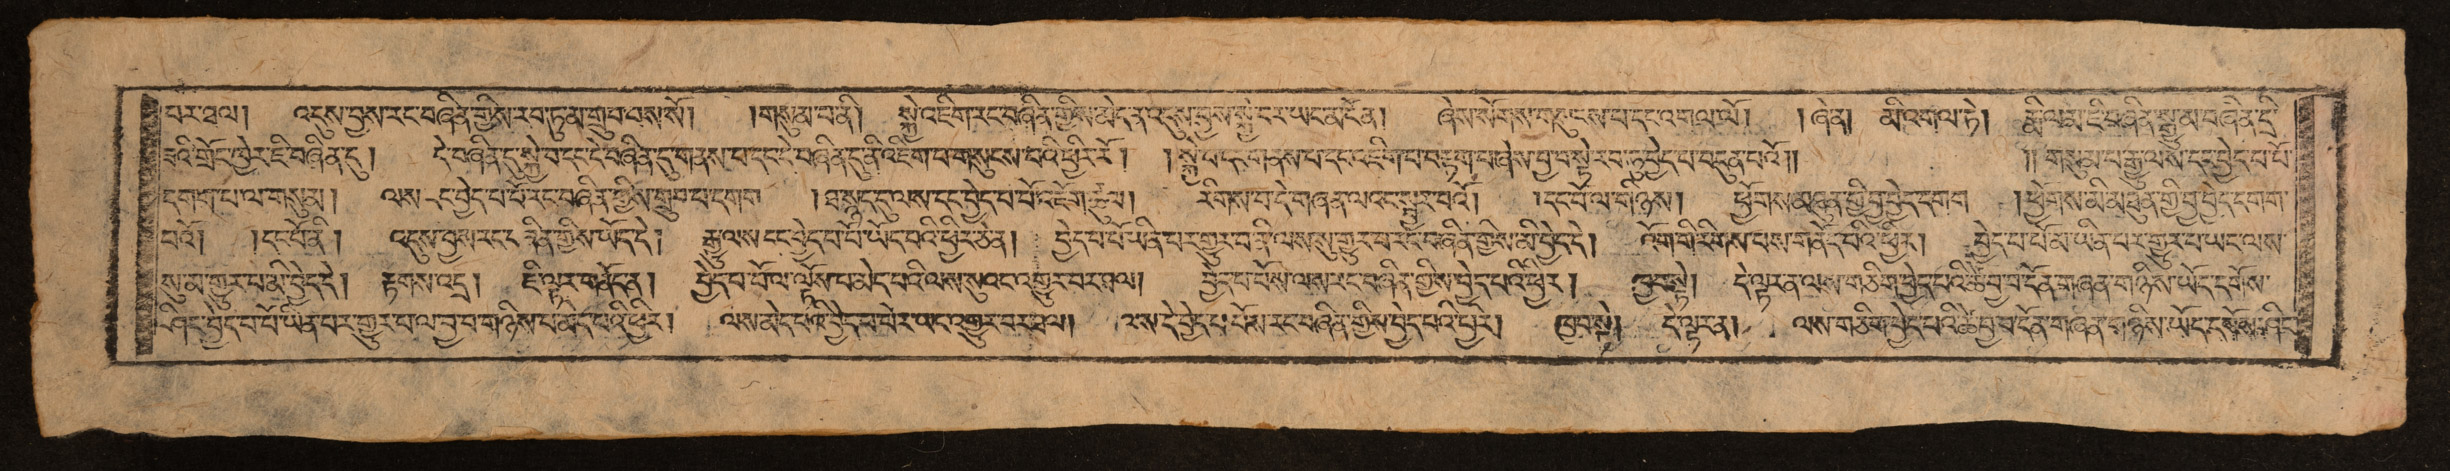པར་ཐལ། འདུས་བྱས་རང་བཞིན་གྱིས་རབ་ཏུ་མ་གྲུབ་པས་སོ། །གསུམ་པ་ནི། སྐྱེ་འཇིག་རང་བཞིན་གྱིས་མེད་ན་འདུས་བྱས་སྐྱེ་བར་ཡང་མངོན། ཞེས་སོགས་གསུངས་པ་དང་འགལ་ལོ། །ཞན། མི་འགལ་ཏེ། རྨི་ལམ་ཇི་བཞིན་སྒྱུ་མ་བཞིན་དྲི་
ཟའི་གྲོང་ཁྱེར་ཇི་བཞིན་དུ། དེ་བཞིན་དུ་སྐྱེ་བ་དང་དེ་བཞིན་དུ་གནས་པ་དང་དེ་བཞིན་དུ་ནི་འཇིག་པ་གསུངས་པའི་ཕྱིར་རོ། །སྐྱེ་བ་དང་གནས་པ་དང་འཇིག་པ་བརྟག་པ་ཞེས་བྱ་བ་སྟེ་རབ་ཏུ་བྱེད་པ་བདུན་པའོ།། །།གསུམ་པ་རྒྱུ་ལས་དང་བྱེད་པ་པོ་
དགག་པ་ལ་གསུམ། ལས་དང་བྱེད་པ་པོ་རང་བཞིན་གྱིས་གྲུབ་པ་དགག །ཐ་སྙད་དུ་ལས་དང་བྱེད་པ་པོ་འཇོག་ཚུལ། རིགས་པ་དེ་གཞན་ལའང་སྦྱར་བའོ། །དང་པོ་ལ་གཉིས། ཕྱོགས་མཐུན་གྱི་བྱ་བྱེད་དགག །ཕྱོགས་མི་མཐུན་གྱི་བྱ་བྱེད་དགག་
པའོ། །དང་པོ་ནི། འདུས་བྱས་རང་བཞིན་གྱིས་ཡོད་དེ། རྒྱུ་ལས་དང་བྱེད་པ་པོ་ཡོད་པའི་ཕྱིར་ཅེ་ན། བྱེད་པ་པོ་ཡིན་པར་གྱུར་པ་ནི་ལས་སུ་གྱུར་པ་རང་བཞིན་གྱིས་མི་བྱེད་དེ། འོག་གི་རིགས་པས་གནོད་པའི་ཕྱིར། བྱེད་པ་པོ་མ་ཡིན་པར་གྱུར་པ་ཡང་ལས་
སུ་མ་གྱུར་པ་མི་བྱེད་དེ། རྟགས་འདྲ། ཇི་ལྟར་གནོད་ན། བྱེད་པ་པོ་ལ་ལྟོས་པ་མེད་པའི་ལས་སུའང་འགྱུར་བར་ཐལ། བྱེད་པ་པོས་ལས་རང་བཞིན་གྱིས་བྱེད་པའི་ཕྱིར། ཁྱབ་སྟེ། དེ་ལྟར་ན་ལས་གཅིག་བྱེད་པའི་ཚེ་བྱ་བ་དོན་གཞན་གཉིས་ཡོད་དགོས་
ཤིང་བྱེད་པ་པོ་ཡིན་པར་གྱུར་པ་ལ་བྱ་བ་གཉིས་པ་མེད་པའི་ཕྱིར། ལས་མེད་པའི་བྱེད་པ་པོར་ཡང་འགྱུར་བར་ཐལ། ལས་དེ་བྱེད་པ་པོས་རང་བཞིན་གྱིས་བྱེད་པའི་ཕྱིར། ཁྱབ་སྟེ། དེ་ལྟར་ན། ལས་གཅིག་བྱེད་པའི་ཚེ་བྱ་བ་དོན་གཞན་གཉིས་ཡོད་དགོས་ཤིང་